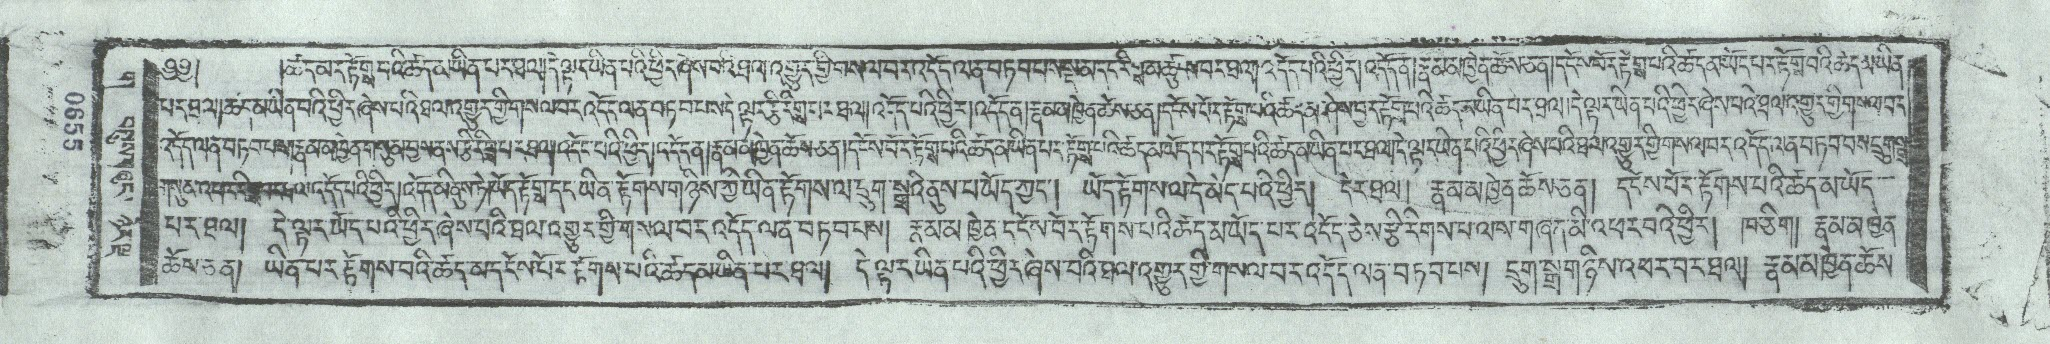༄༅། །ཚད་མར་རྟོགས་པའི་ཚད་མ་ཡིན་པར་ཐལ། དེ་ལྟར་ཡིན་པའི་ཕྱིར་ཞེས་པའི་ཐལ་འགྱུར་གྱི་གསལ་བར་འདོད་ལན་བཏབ་པས་སྔ་མ་དང་རིགས་མཚུངས་པར་ཐལ། འདོད་བའི་ཕྱིར། འདོད་ན། རྣམ་མཁྱེན་ཆོས་ཅན། དངོས་པོར་རྟོགས་པའི་ཚད་མ་ཡོད་པར་རྟོགས་བའི་ཆེད་མ་ཡིན་
པར་ཐལ། ཚད་མ་ཡིན་པའི་ཕྱིར་ཞེས་པའི་ཐལ་འགྱུར་གྱི་གསལ་བར་འདོད་ལན་བཏབ་པས་དེ་ལྟར་རྩི་རིགས་པར་ཐལ། འདོད་པའི་ཕྱིར། འདོད་ན། རྣམ་མཁྱེན་ཆོས་ཅན། དངོས་པོར་རྟོགས་པའི་ཚད་མ་ཤེས་བྱར་རྟོགས་པའི་ཚད་མ་ཡིན་པར་ཐལ། དེ་ལྟར་ཡིན་པའི་ཕྱིར་ཞེས་པའི་ཐལ་འགྱུར་གྱི་གསལ་བར་
འདོད་ལན་བཏབ་པས་རྣམ་མཁྱེན་གསུམ་བྱས་ནས་རྩི་རིགས་པར་ཐལ། འདོད་པའི་ཕྱིར། འདོད་ན། རྣམ་མཁྱེན་ཆོས་ཅན། དངོས་པོར་རྟོགས་པའི་ཚད་མ་ཡིན་པར་རྟོགས་པའི་ཚད་མ་ཡོད་པར་རྟོགས་པའི་ཚད་མ་ཡིན་པར་ཐལ། དེ་ལྟར་ཡིན་པའི་ཕྱིར་ཞེས་པའི་ཐལ་འགྱུར་གྱི་གསལ་བར་འདོད་ལན་བཏབ་བས་དྲུག་སྒྲ་
གསུམ་འཕར་རིགས་པར་ཐལ་འདོད་པའི་ཕྱིར། འདོད་མི་ནུས་ཏེ། ཡོད་རྟོགས་དང་ཡིན་རྟོགས་གཉིས་ཀྱི་ཡིན་རྟོགས་ལ་དྲུག་སྒྲའི་ནུས་པ་ཡོད་ཀྱང་། ཡོད་རྟོགས་ལ་དེ་མེད་པའི་ཕྱིར། དེར་ཐལ། རྣམ་མཁྱེན་ཆོས་ཅན། དངོས་པོར་རྟོགས་པའི་ཚད་མ་ཡོད་
པར་ཐལ། དེ་ལྟར་ཡོད་པའི་ཕྱིར་ཞེས་པའི་ཐལ་འགྱུར་གྱི་གསལ་བར་འདོད་ལན་བཏབ་པས། རྣམ་མཁྱེན་དངོས་པོར་རྟོགས་པའི་ཚད་མ་ཡོད་པར་འདོད་ཅེས་རྩི་རིགས་པ་ལས་གཞན་མི་འཕར་བའི་ཕྱིར། ཁ་ཅིག། རྣམ་མཁྱེན་
ཆོས་ཅན། ཡིན་པར་རྟོགས་པའི་ཚད་མ་དངོས་པོར་རྟོགས་པའི་ཚད་མ་ཡིན་པར་ཐལ། དེ་ལྟར་ཡིན་པའི་ཕྱིར་ཞེས་པའི་ཐལ་འགྱུར་གྱི་གསལ་བར་འདོད་ལན་བཏབ་པས། དྲུག་སྒྲ་གཉིས་འཕར་བར་ཐལ། རྣམ་མཁྱེན་ཆོས་